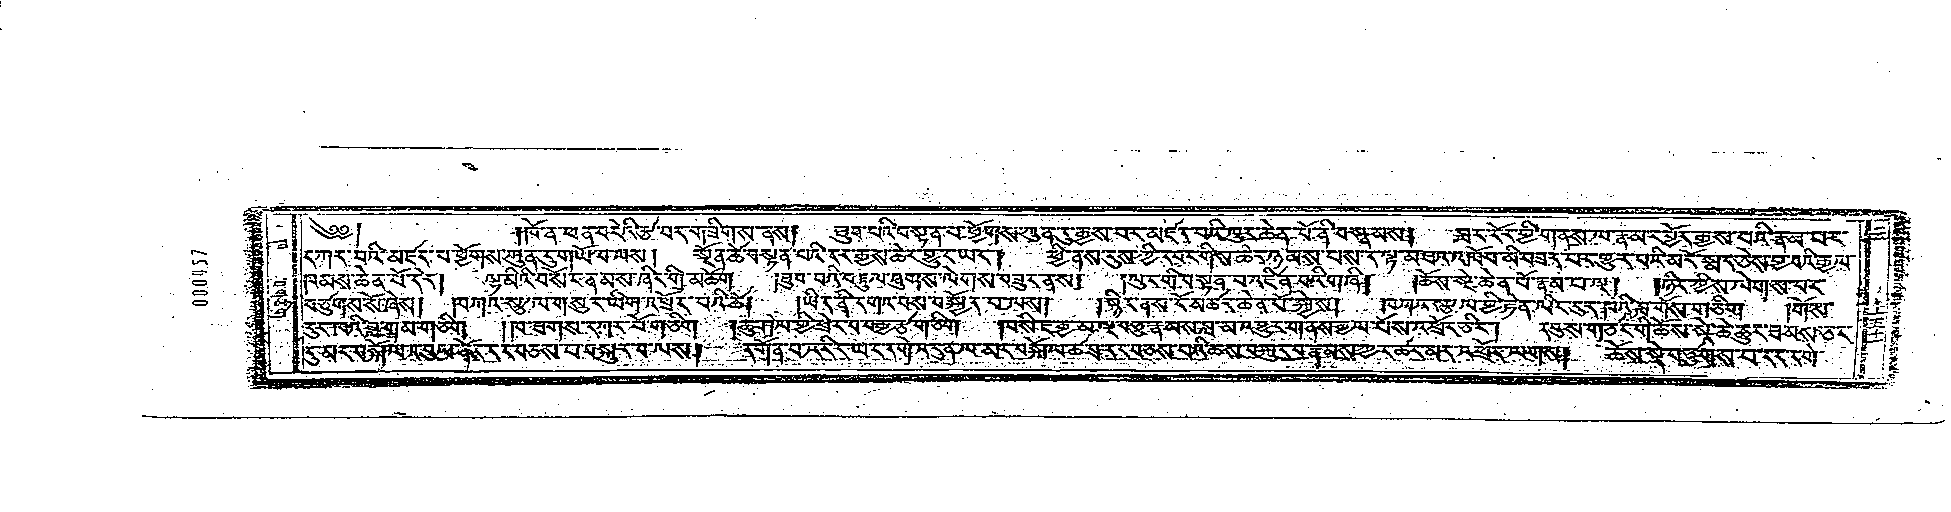༄༅། །ཁོ་ན་ཕན་བདེའི་རྩ་བར་གཟིགས་ནས། ཐུབ་པའི་བསྟན་པ་ཕྱོགས་ཀུན་དུ་རྒྱས་པར་མཛད་པའི་ཁུར་ཆེན་པོ་ནི་བསྣམས། བླང་དོར་གྱི་གནས་ལ་རྣམ་དཔྱོད་རྒྱས་པའི་རྣམ་པར་
དཀར་བའི་མཛད་པ་ཕྱོགས་ཀུན་དུ་གཡོ་བ་ལས། སྔོན་ཚེ་བསྟན་པའི་དང་རྒྱས་ཆེར་བྱུང་ཡང་། ཕྱི་ནས་དུས་ཀྱི་དབང་གིས་ཆེར་ཉམས་པས་ད་ལྟ་མཐའ་འཁོབ་མི་བཟད་པར་གྱུར་པའི་མདོ་སྨད་ཅེས་བྱ་བའི་རྒྱལ་
ཁམས་ཆེན་པོ་དེར། ལྷ་མིའི་བསོད་ནམས་ཞིང་གི་མཆོག །ཐུབ་པའི་བརྟུལ་ཞུགས་ལེགས་བཟུང་ནས། །ལུང་གི་བསྟན་པ་འཛིན་བའི་གཞི། །ཆོས་སྡེ་ཆེན་པོ་རྣམ་པ་ལྔ། །ཉིད་ཀྱིས་ལེགས་པར་
བཙུགས་སོ་ཞེས། །བཀའ་སྩལ་གསུང་ཡིག་འཕྲོད་པའི་ཚེ། །ཡིད་ནི་དགའ་བས་བསྐྱོད་པ་ལས། །སྙིང་ནས་ངོ་མཚར་ཆེན་པོ་སྐྱེས། །བཀའ་སྩལ་གྱི་རྟེན་ལིང་དུར་ཁའི་བླ་གོས་གཅིག །གོས་
དུང་ཁའི་ཟླ་གམ་གཅིག །ཁ་ཐགས་དཀར་པོ་གཅིག །ཆུ་ཤེལ་གྱི་ཕྲེང་བ་བརྒྱ་རྩ་གཅིག །བསི་ཇ་རྒྱ་མ་ལྔ་བཅུ་རྣམས་བླ་མ་འབྱུང་གནས་རྒྱལ་པོས་འཕྲོད་ཅིང་། དབུས་གཙང་གི་ཆོས་སྡེ་ཆེ་ཆུང་ཐམས་ཅད་
དུ་མང་བསྐོལ་འབུལ་ནོར་དང་བཅས་པ་བསྐུར་བ་ལས། དགོན་པ་འདིར་ཡང་དགེ་འདུན་ལ་མང་བསྐོལ་ཚ་བྲ་དང་བཅས་པའི་ཆས་བསྐུར་བ་རྣམས་ཀྱང་ཚང་མར་འཕྲོད་ལགས། ཆོས་སྡེ་བཅུགས་བ་དང་དགེ་